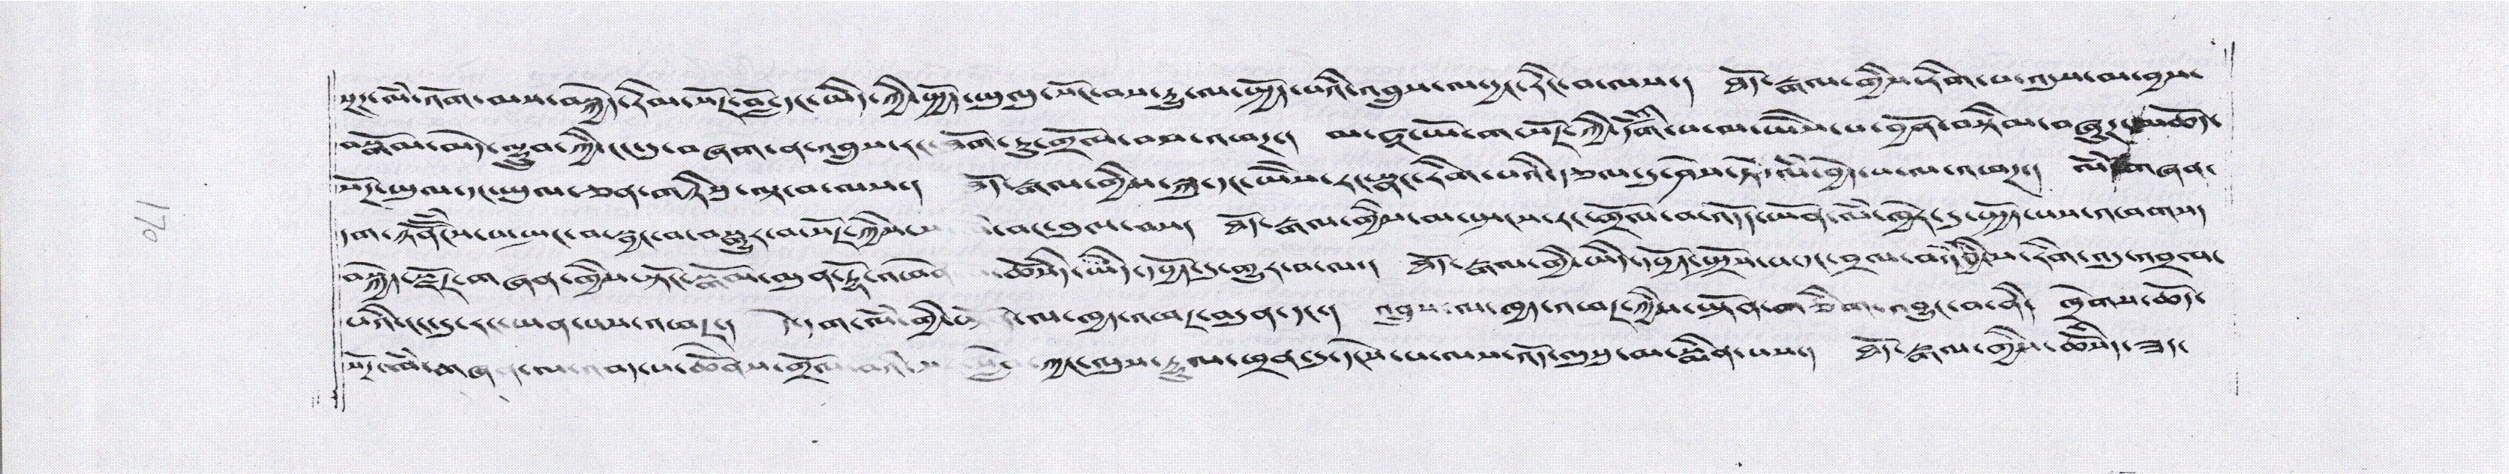སྔགས་ལམ་འོག་མས་བསྐྱེད་རིམ་སོགས་བློ་དང་ཡིད་ཀྱི་སྤྱོད་ཡུལ་དུ་རྒྱུ་ལ་དཔྱོད་པའི་འབྲས་བུ་ལ་རྒྱང་ཐག་རིང་བ་ལས། ཐོད་རྒལ་གྱིས་རིག་པ་འདུས་མ་བྱས་
སྒོམ་མེད་ལྷུན་གྲུབ་ཀྱི་ངང་དུ་བཞག་ན་འབྲས་བུ་རང་ཐོག་ཏུ་གྲོལ་བས་འཕགས། མ་ཧཱ་ཡོ་ག་སོགས་ཀྱི་དམ་ཚིག་པ་ལ་ཡེ་ཤེས་པ་བྱོན་བསྟིམ་བཞུགས་མཆོད་
སོགས་ཡུལ་དང་ཡུལ་ཅན་གཉིས་སུ་ལྟ་བ་ལས། ཐོད་རྒལ་གྱིས་སྐུ་དང་ཡེ་ཤེས་རང་སྣང་རིག་པའི་རྩལ་དུ་ཤེས་ཏེ་ལམ་བྱེད་པ་ལ་འཕགས། ལམ་གཞན་
དག་ཉོན་མོངས་པ་སྤང་བ་སྦྱོང་བ་བསྒྱུར་བ་སོགས་ཀྱིས་ས་ལམ་བུལ་ལ། ཐོད་རྒལ་གྱིས་མ་སྤངས་རང་གྲོལ་བ་འདོད་ཡོན་ལམ་ཁྱེར་དུ་སྤྱོད་པས་འཕགས། 
བསྐྱེད་རྫོགས་གཞན་གྱིས་སྟོང་སྒོམ་མུན་རྡོ་འཕེན་༼པ༽ཆོས་ཉིད་ཡིད་དཔྱོད་དུ་གྱུར་པ་ལ། ཐོད་རྒལ་གྱིས་ཡིད་དཔྱོད་སྤྲོས་པ་དང་བྲལ་བ་དབྱིངས་རིག་འདུ་འབྲལ་
༼མེད་༽པའི་ངང་དུ་རང་ཡན་པས་འཕགས། དེ་དག་ལམ་གྱི་ཡོན་ཏན་ལ་ཁྱད་འཕགས་བདུན་དང་། འབྲས་བུ་ལ་ཁྱད་འཕགས་ཀྱི་ཡོན་ཏན་གཅིག་འབྱུང་བ་ནི། ཁྲེག་ཆོད་
སོགས་ལམ་གཞན་ལ་འབད་པ་ཆེན་པོས་གྲོལ་བའི་ཐད་སླེབས་ཀྱང་ལུས་རྡུལ་ཕྲན་དུ་དེངས་པ་ལས་འོད་ལུས་སུ་མ་སྨིན་པས། ཐོད་རྒལ་གྱིས་ཆོས་ཉིད་ཟད་